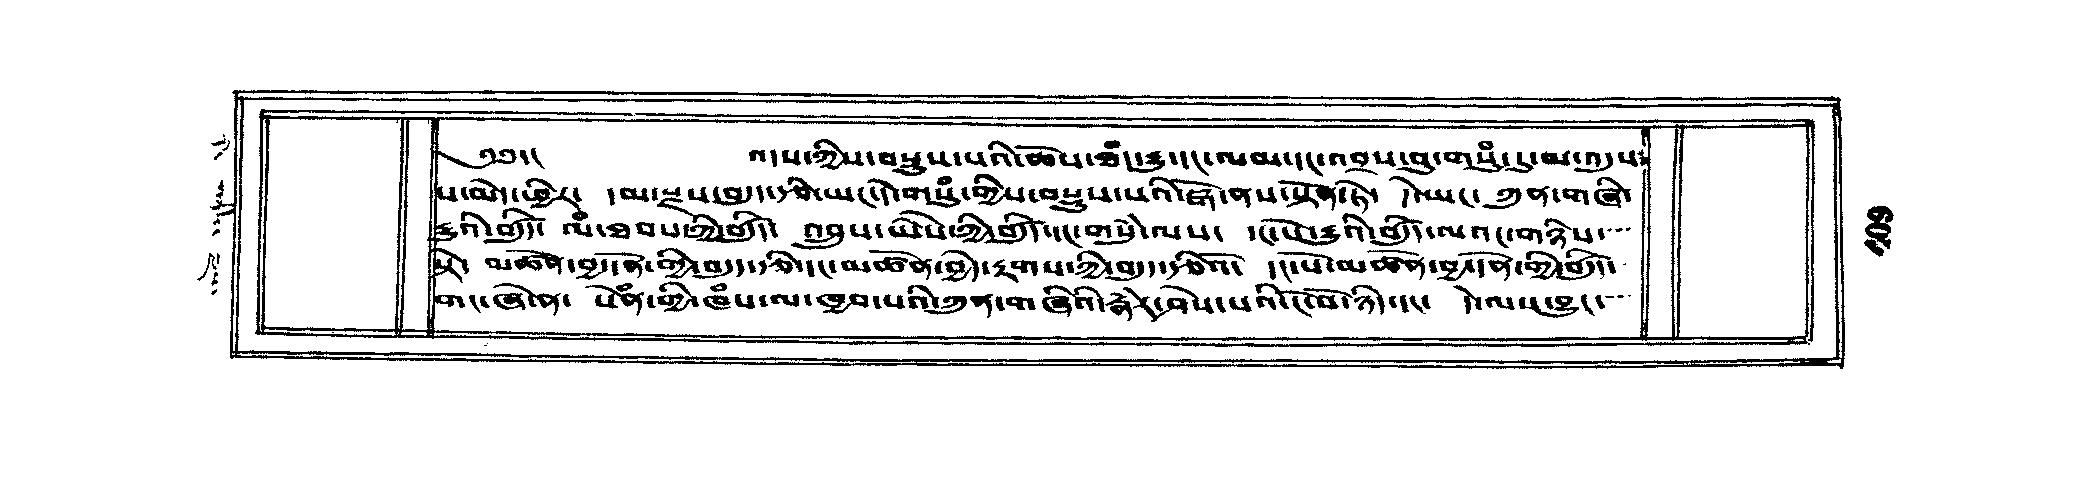འདས་ཀྱིས་བསྡུས་པའི་ཆོས་ཐམས་ཅད་རྒྱུ་དང་ལམ་དང་འབྲས་བུ་གསུམ་དུ་མ་འདུས་
པ་མེད་ཕྱིར། དམ་རྫས་བདུད་རྩི་ཡང་དེ་གསུམ་གྱིས་བསྡུས་པའི་སྒོ་ནས་སྟོན་ཏེ། དེ་ཡང་ཀུན་གཞི་
རྒྱུའི་བདུད་རྩི། ལམ་ཐབས་ཀྱི་བདུད་རྩི། འབྲས་བུ་ཡེ་ཤེས་ཀྱི་བདུད་རྩི་དང་གསུམ་ལས། དང་པོ་རྒྱུའི་བདུད་རྩི་ལའང་གཉིས་
ཏེ། མཚོན་བྱ་དོན་གྱི་བདུད་རྩི་དང་མཚོན་བྱེད་རྟགས་ཀྱི་བདུད་རྩིའོ། དང་པོ་མཚོན་བྱ་དོན་གྱི་བདུད་རྩི་
གང་ཞེ་ན། སེམས་ཅན་གྱི་ཁམས་ལ་ཁྱབ་པའི་ཀུན་གཞིའི་རྣམ་པར་ཤེས་པའི་ངོ་བོ་ཉིད་དང་། དེ་ལས་བྱུང་